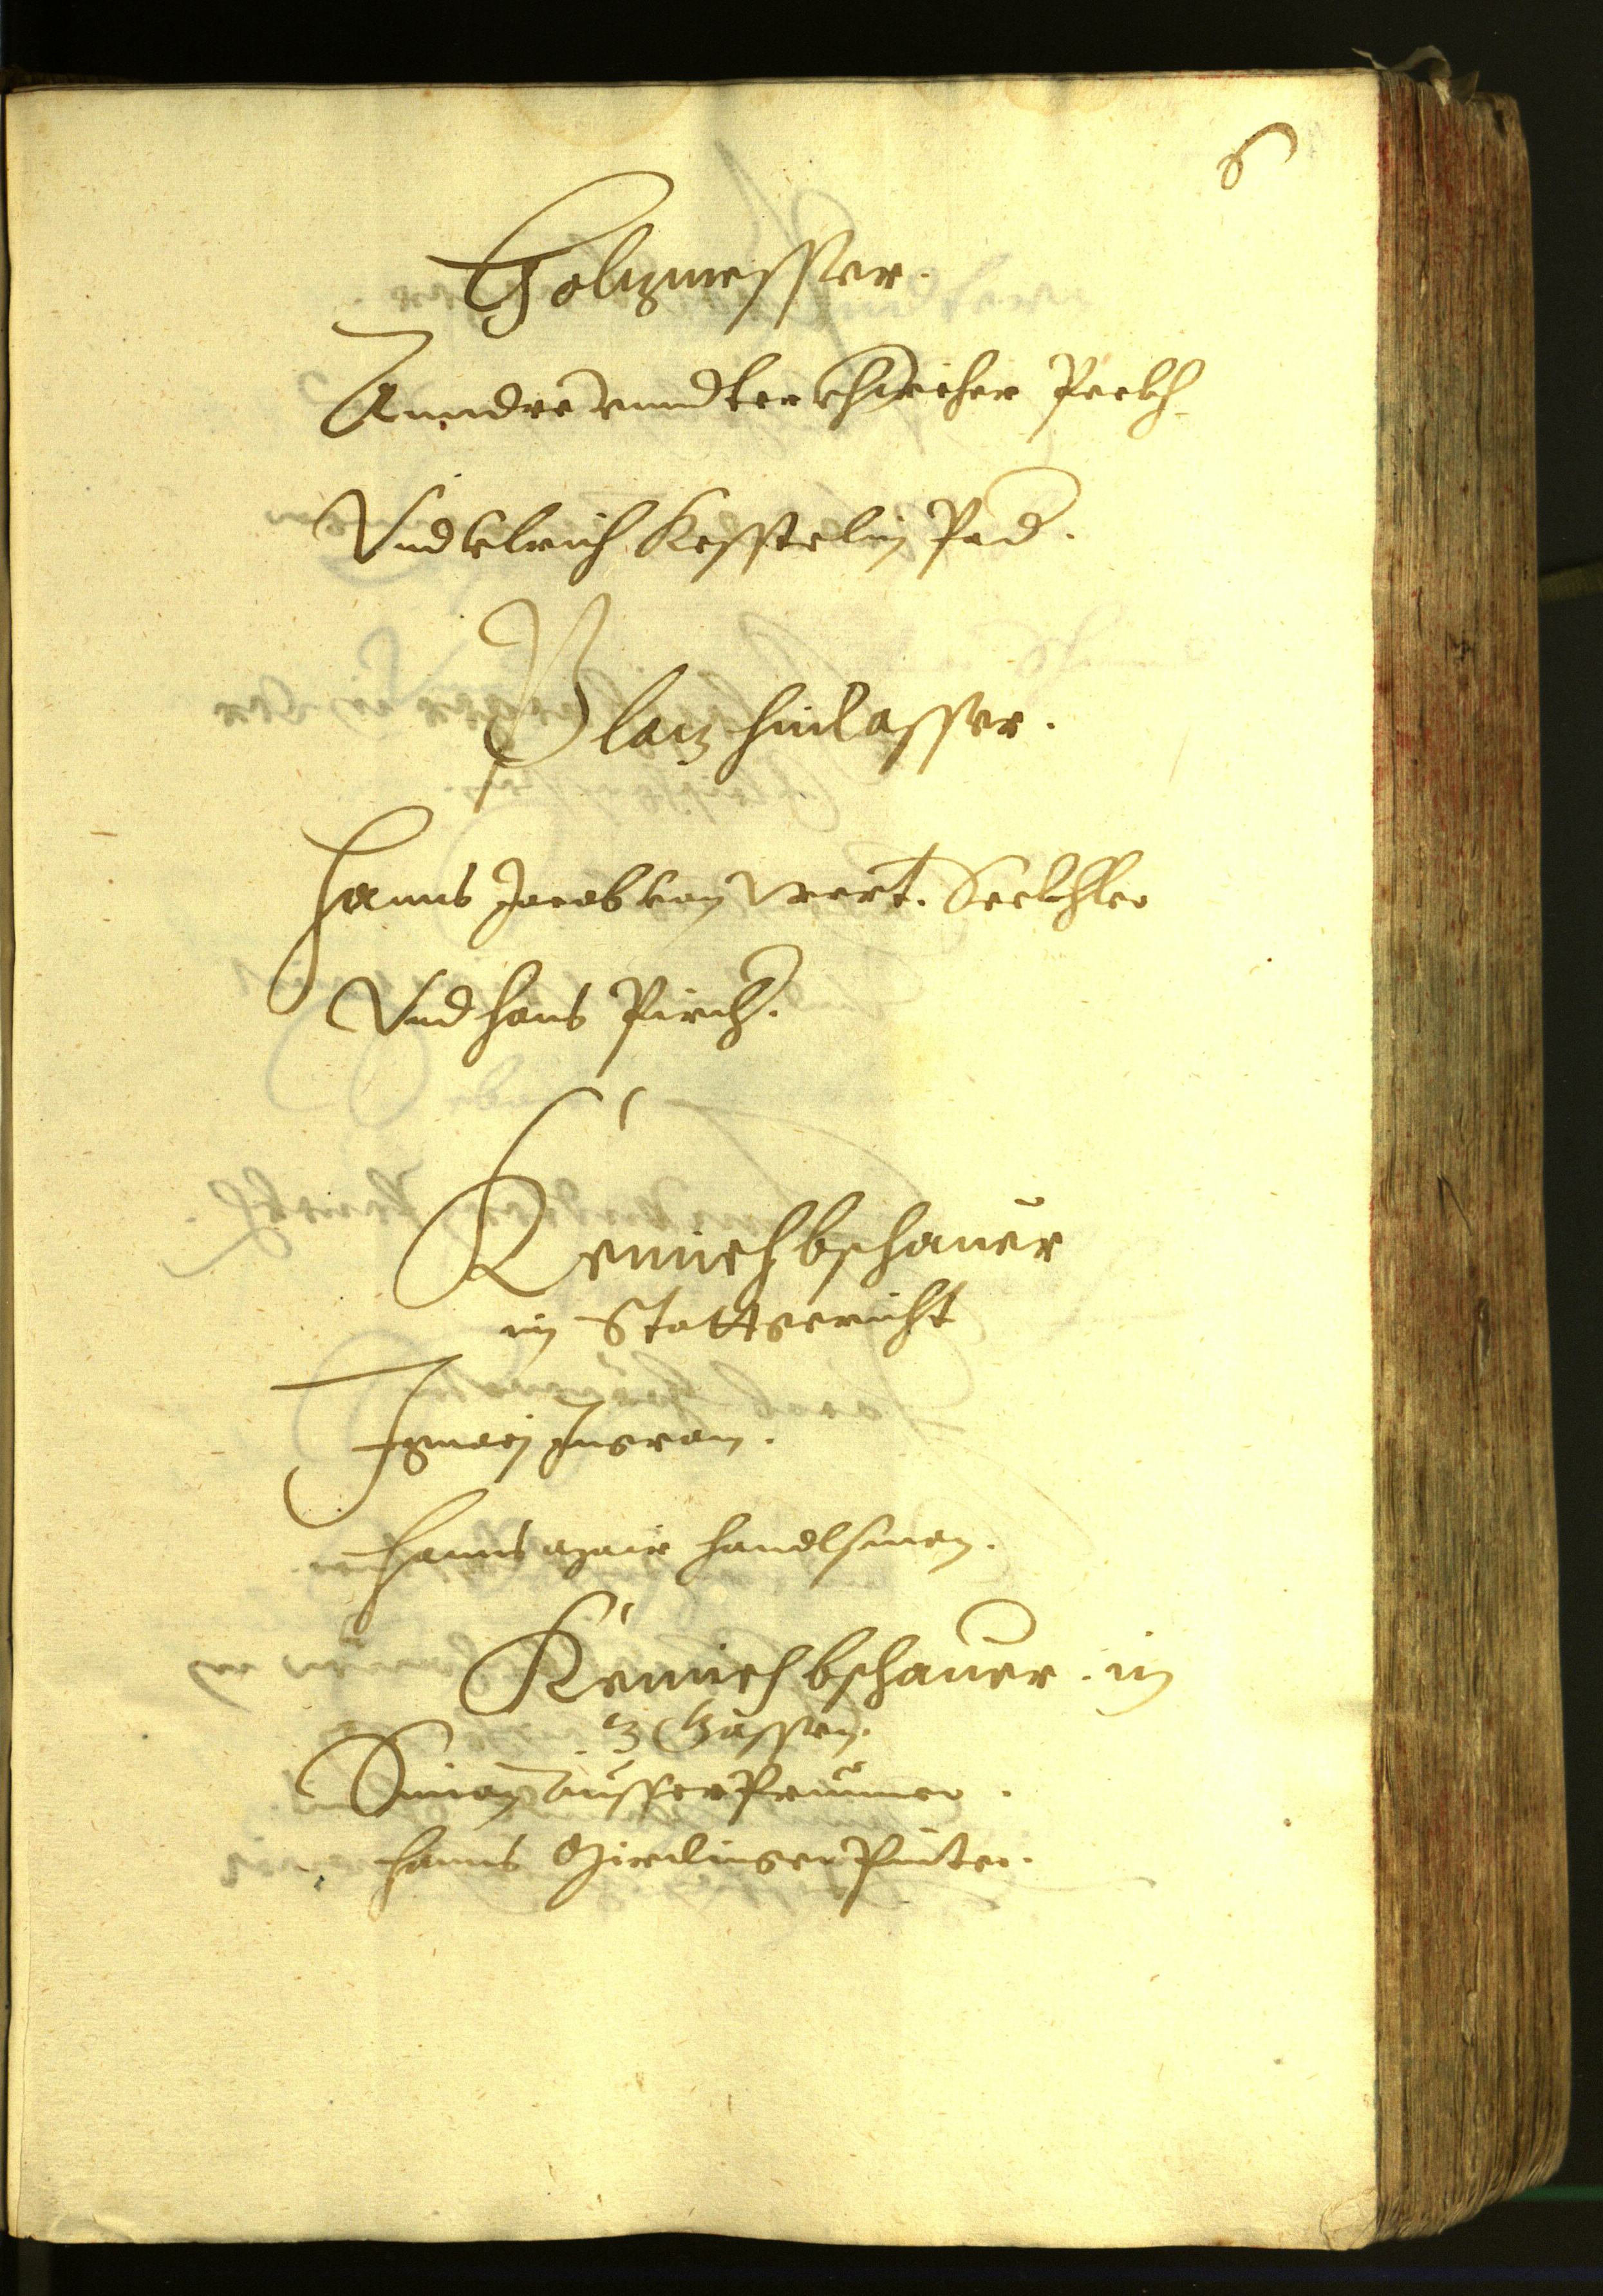Holzmesser.
Anndre Vndter Khircher Peckh.
Vnd Vlrich Kesstelin Pad.
Plaz hinlasser.
hanns Jacob von Wert. Seckhler
Vnd hans Pirch.
Kēmichbschaūer
im Stattgericht
Ignacien Ingram.
hanns Mair handlsman.
Kēmichbschaūer. in
3 Gassen.
Simon AūsserPrūnner.
hanns Mirdinger Pinter.
6